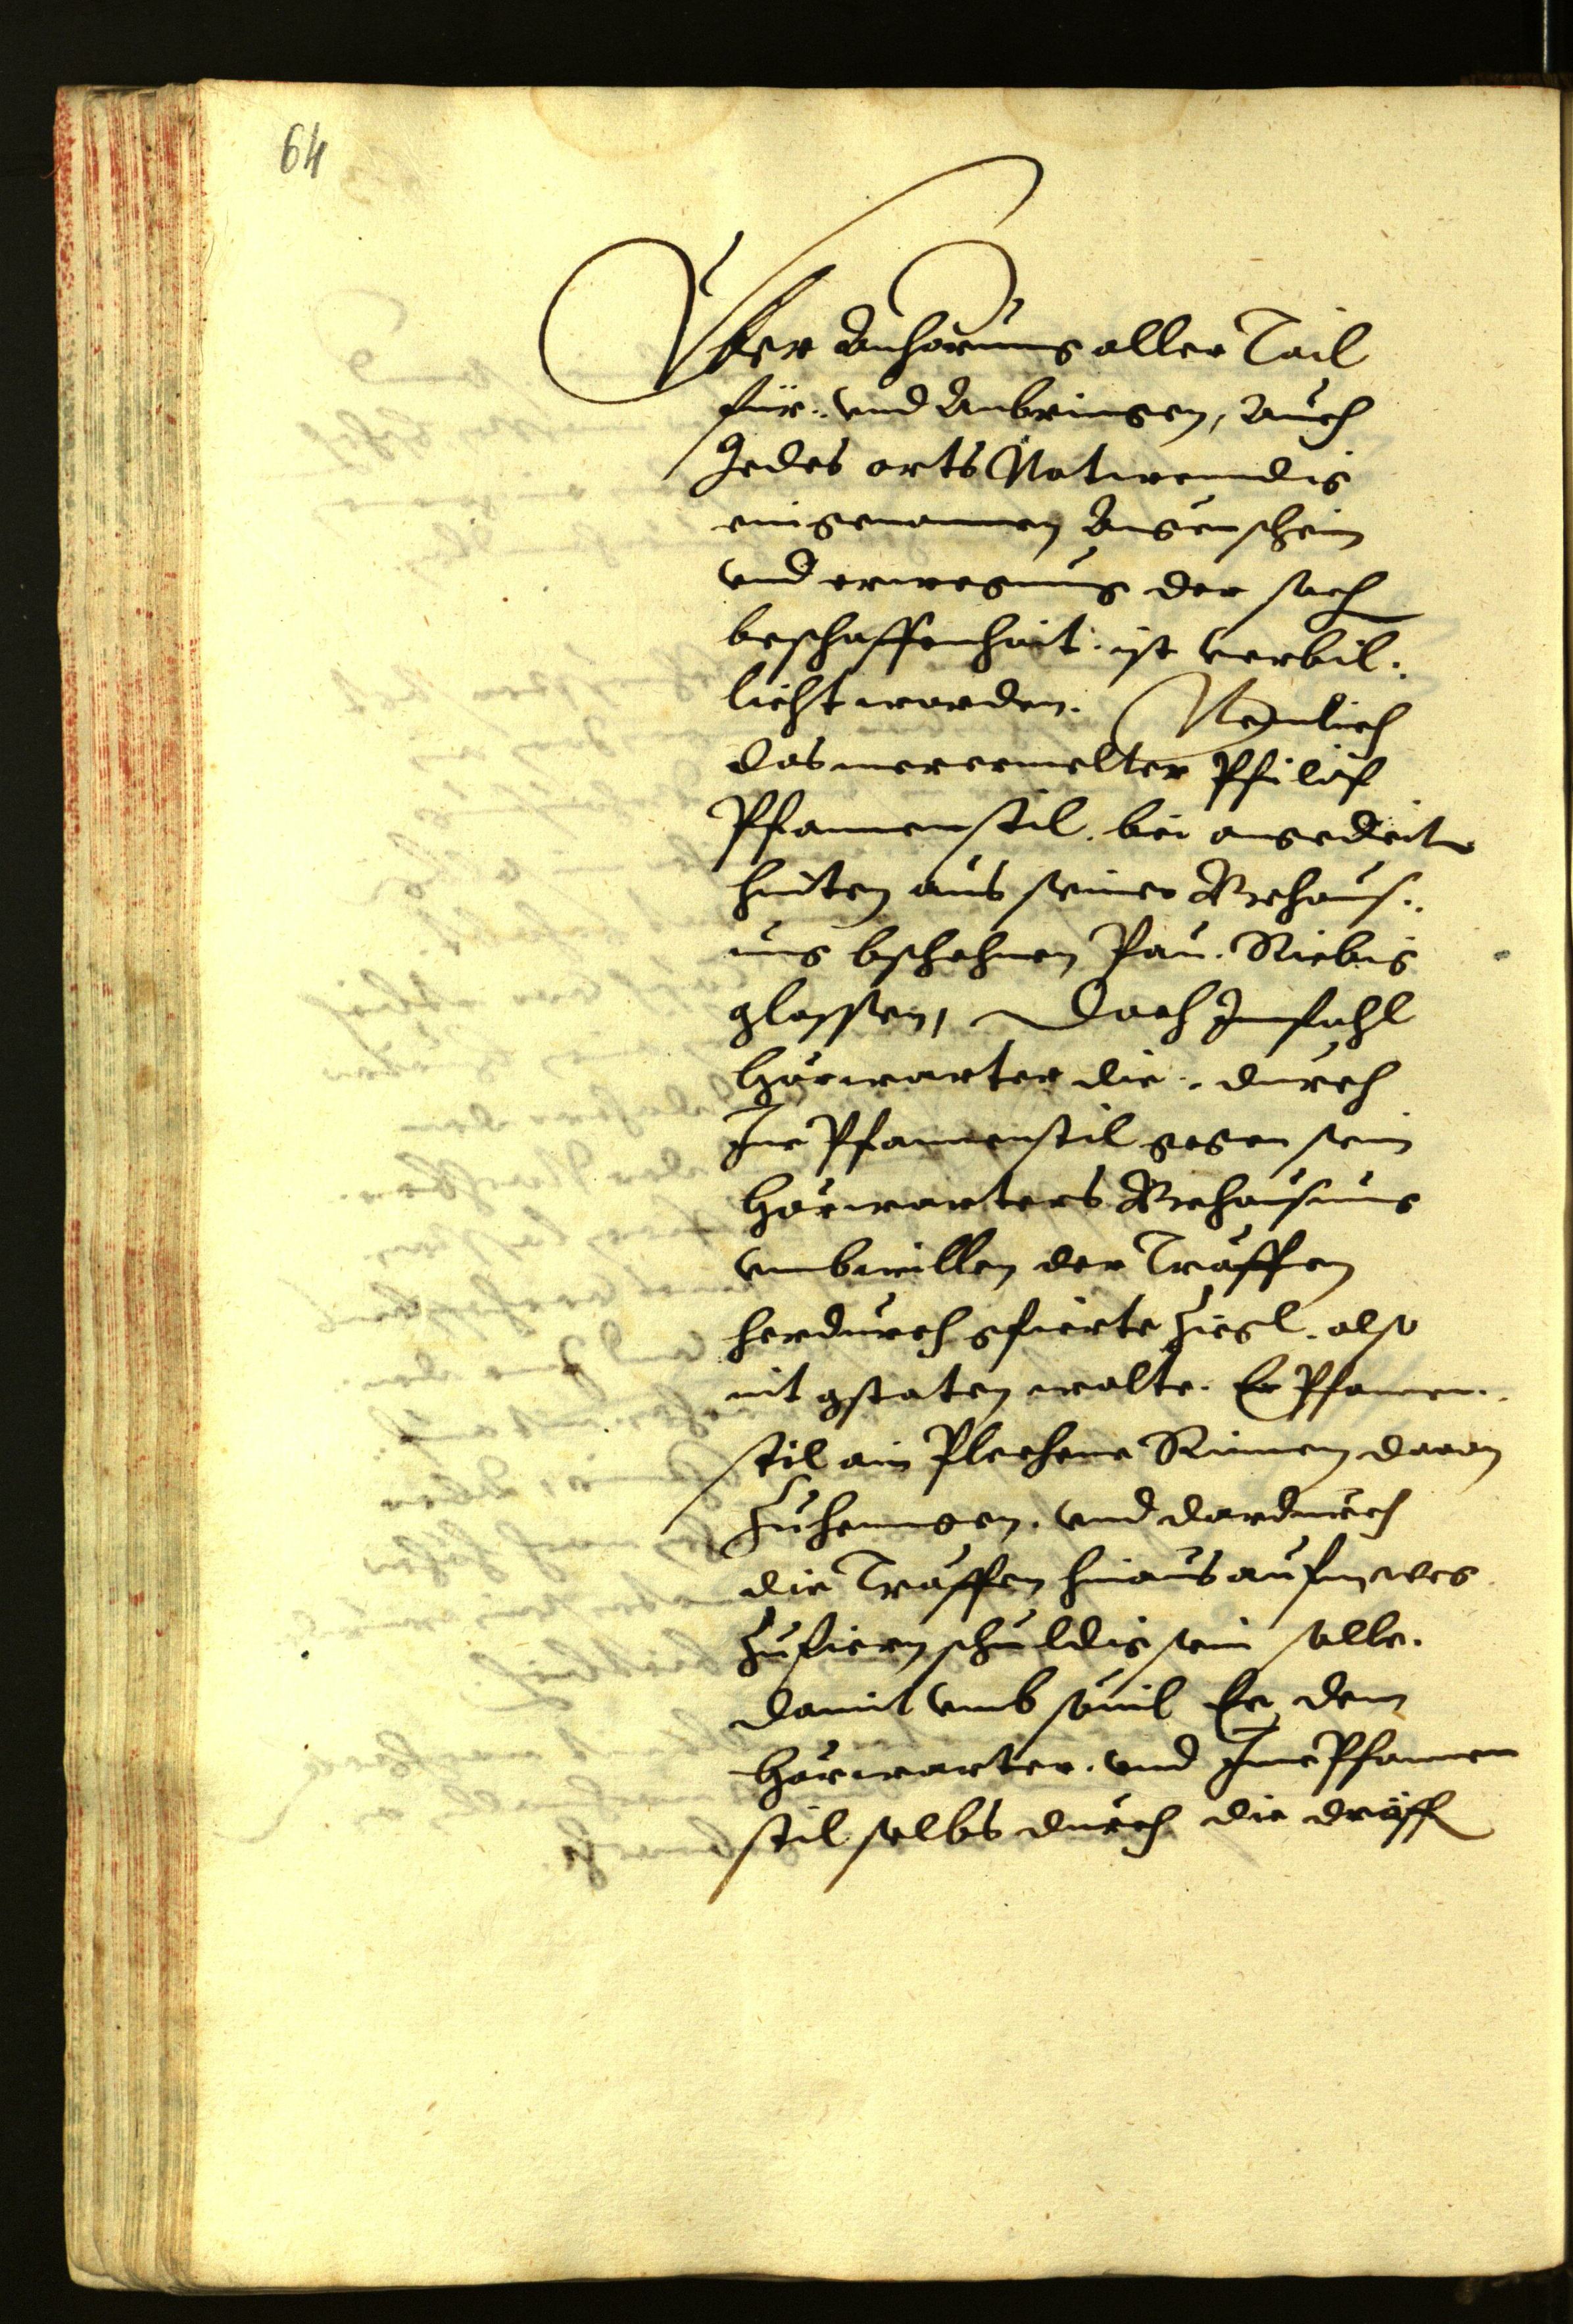64
V̄ber Anhōrūng aller Tail
für: vnd Anbringen, Aūch
Jedes orts Notwenndig
Eingenommen Aūgenschein
vnd erwegūng der sach
beschaffenhait. ist verbil¬
licht worden. Nemlich
das merermelter Pfilip
Pfannenstil. bei angedeit
hinten aūs seiner Behaūs¬
ūng beschehnen Paū. Riebig
glassen, doch Innfahl
Hōrwarter die. dūrch
Ine Pfannenstil gegen sein
Hōrwarters Behaūsūng
umb willen der Trāffen
herdūrch gefierte Ziegl. also
nit gstaten wolte. Er Pfannen¬
stil ain Plechene Rinnen daran
Zūhenngen. vnd dardūrch
die Trāffen hinaūs aūfm weg
Zū fiern schūldig sein solle.
Damit umb sōuil Er dem
Hōrwarter. vnd Ime Pfrannen¬
stil selbs dūrch die dräff